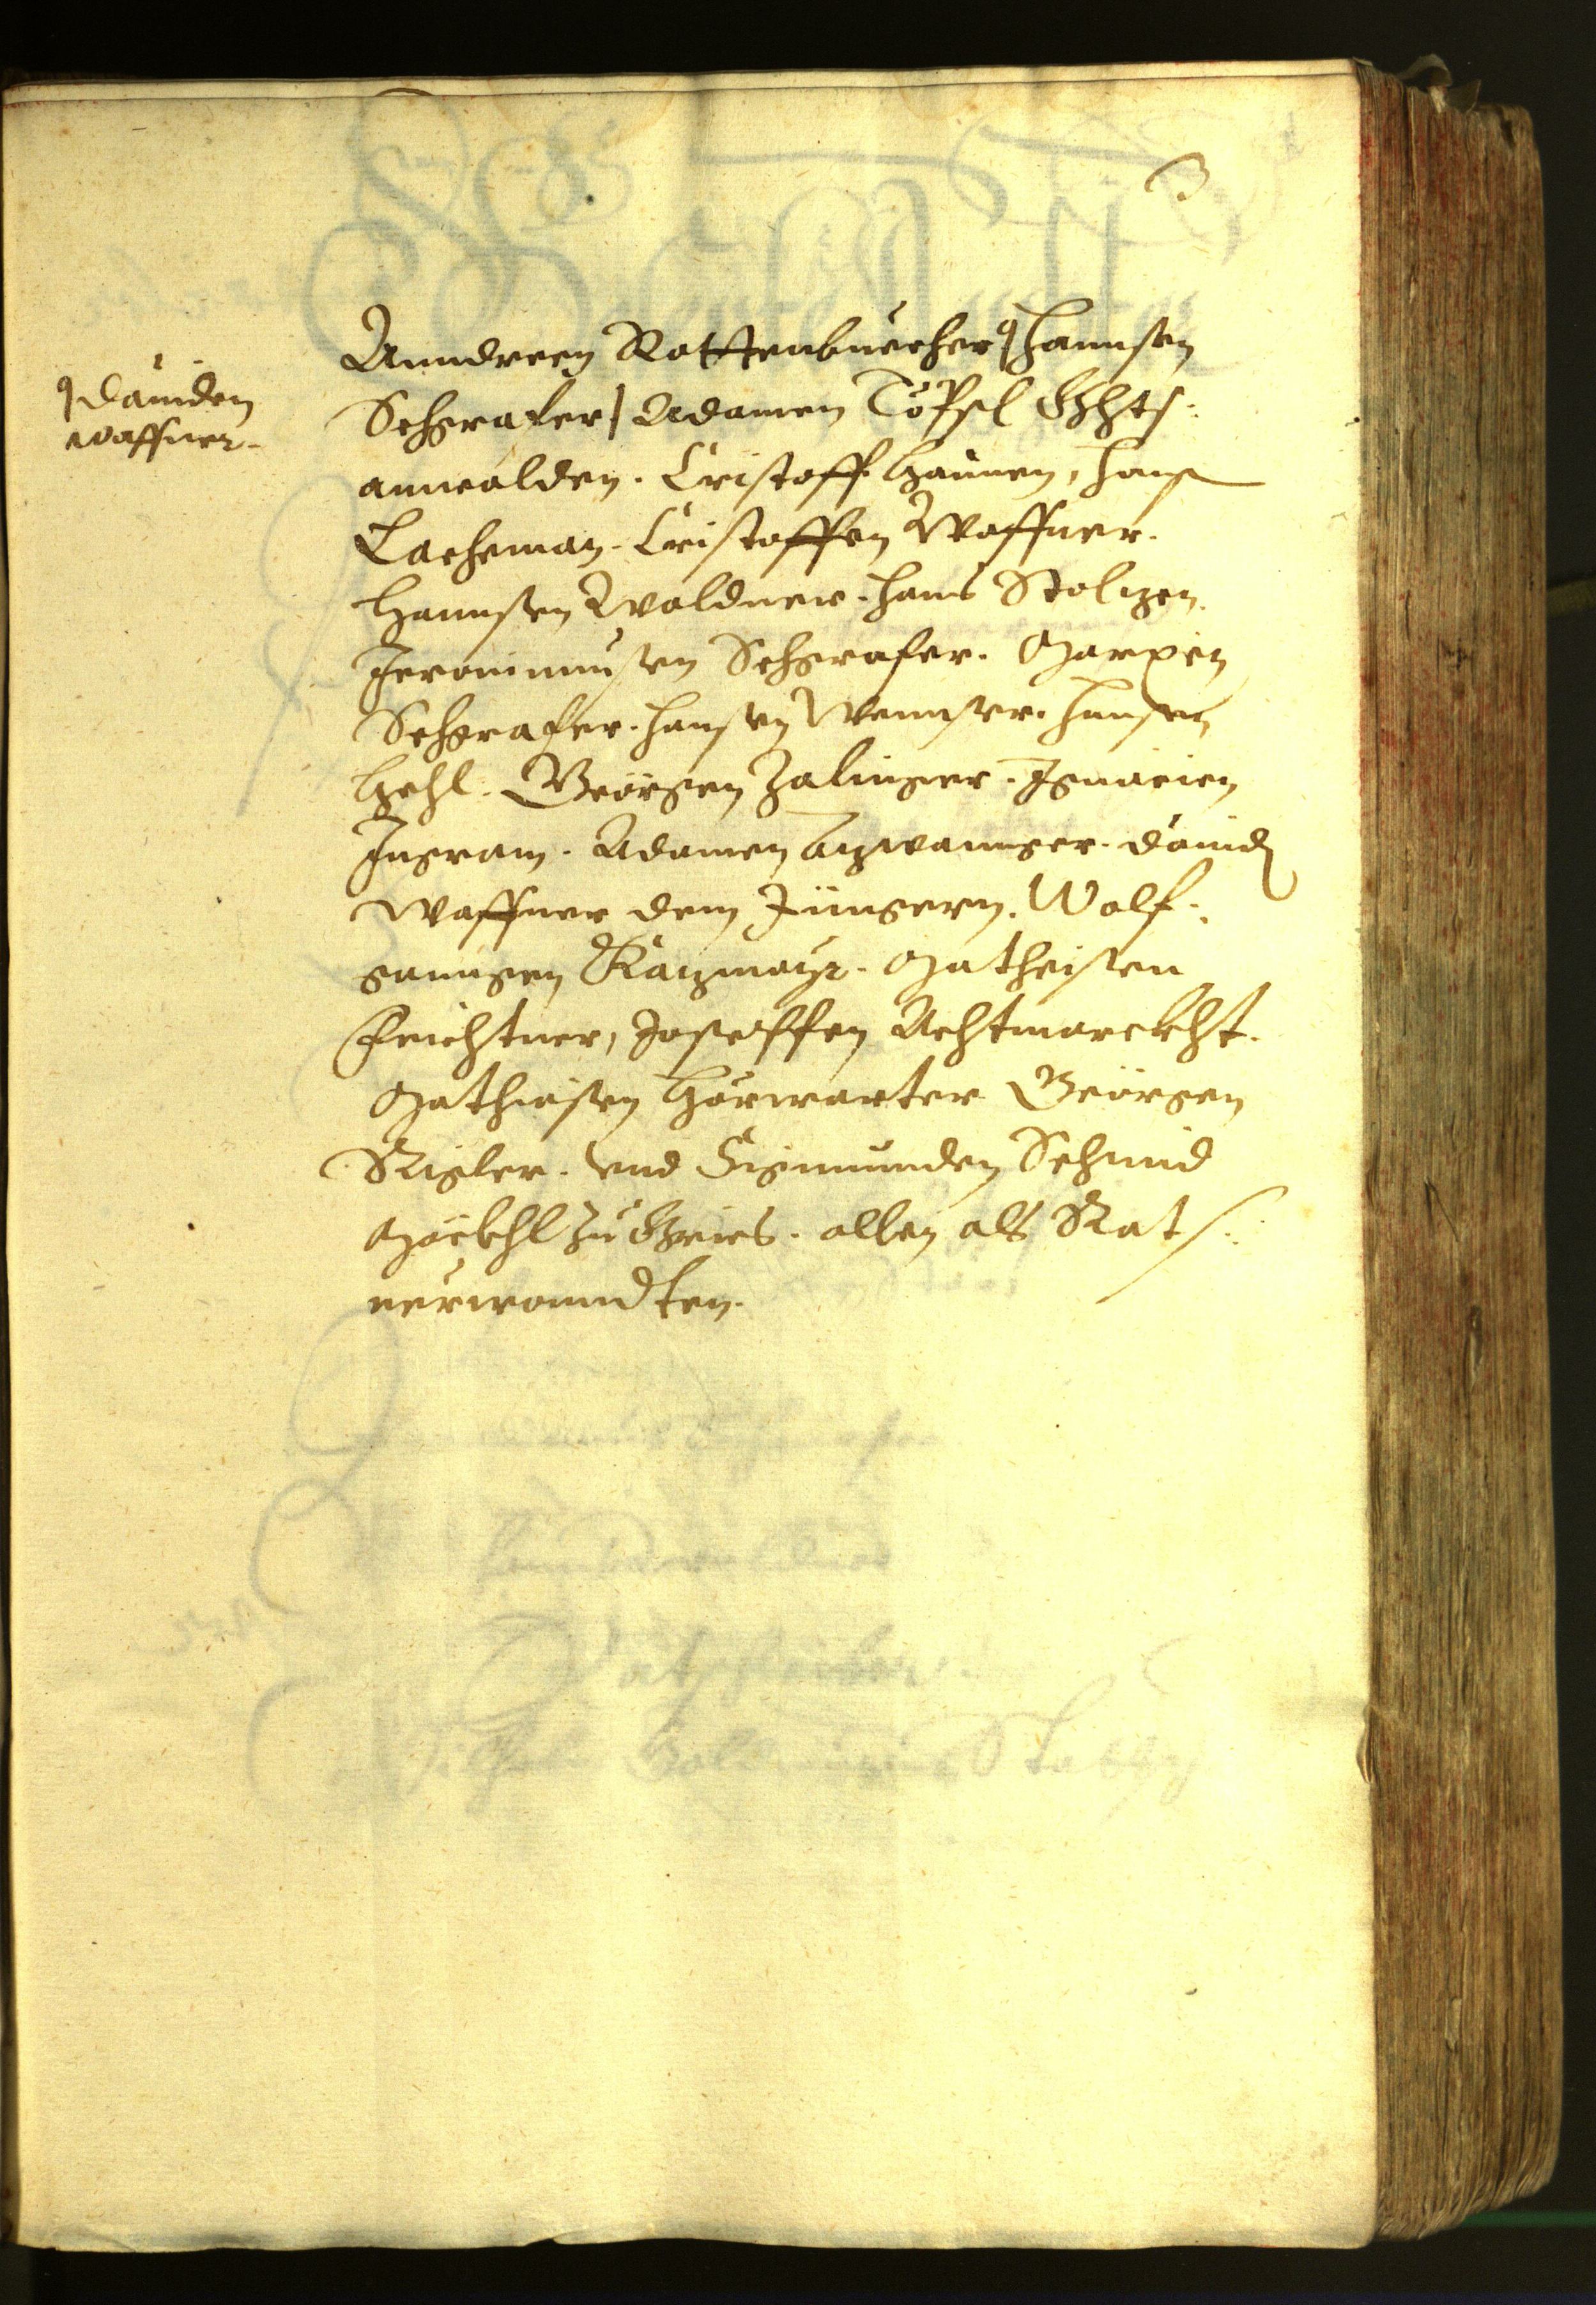3
Anndreen Rottenbūecher. Hannsen
Schgrafer/ Adamen TōPsl Rhts¬
anwalden. Cristoff Haimen, Hans
Lacheman. Cristoffen Waffner.
Hannsen Waldner. hans Stoltzen.
Ieronimūsen Schgrafer. Marxen
Schgrafer. hansen Wennster. hansen
Hehl. Geörgen Zalinger. Ignacien
Ingram. Adamen Azwannger. daūid
Waffner dem Jüngern. Wolf¬
gangen Kazmaȳr. Matheisen
Feichtner, Joseffen Achtmarckht.
Matheisen Hōrwarter Geörgen
Rigler. vnd Sigmūnden Schmid
Mäckhl Zū Gries. allen als Rats¬
vērwanndten.
Daūiden
Waffner.